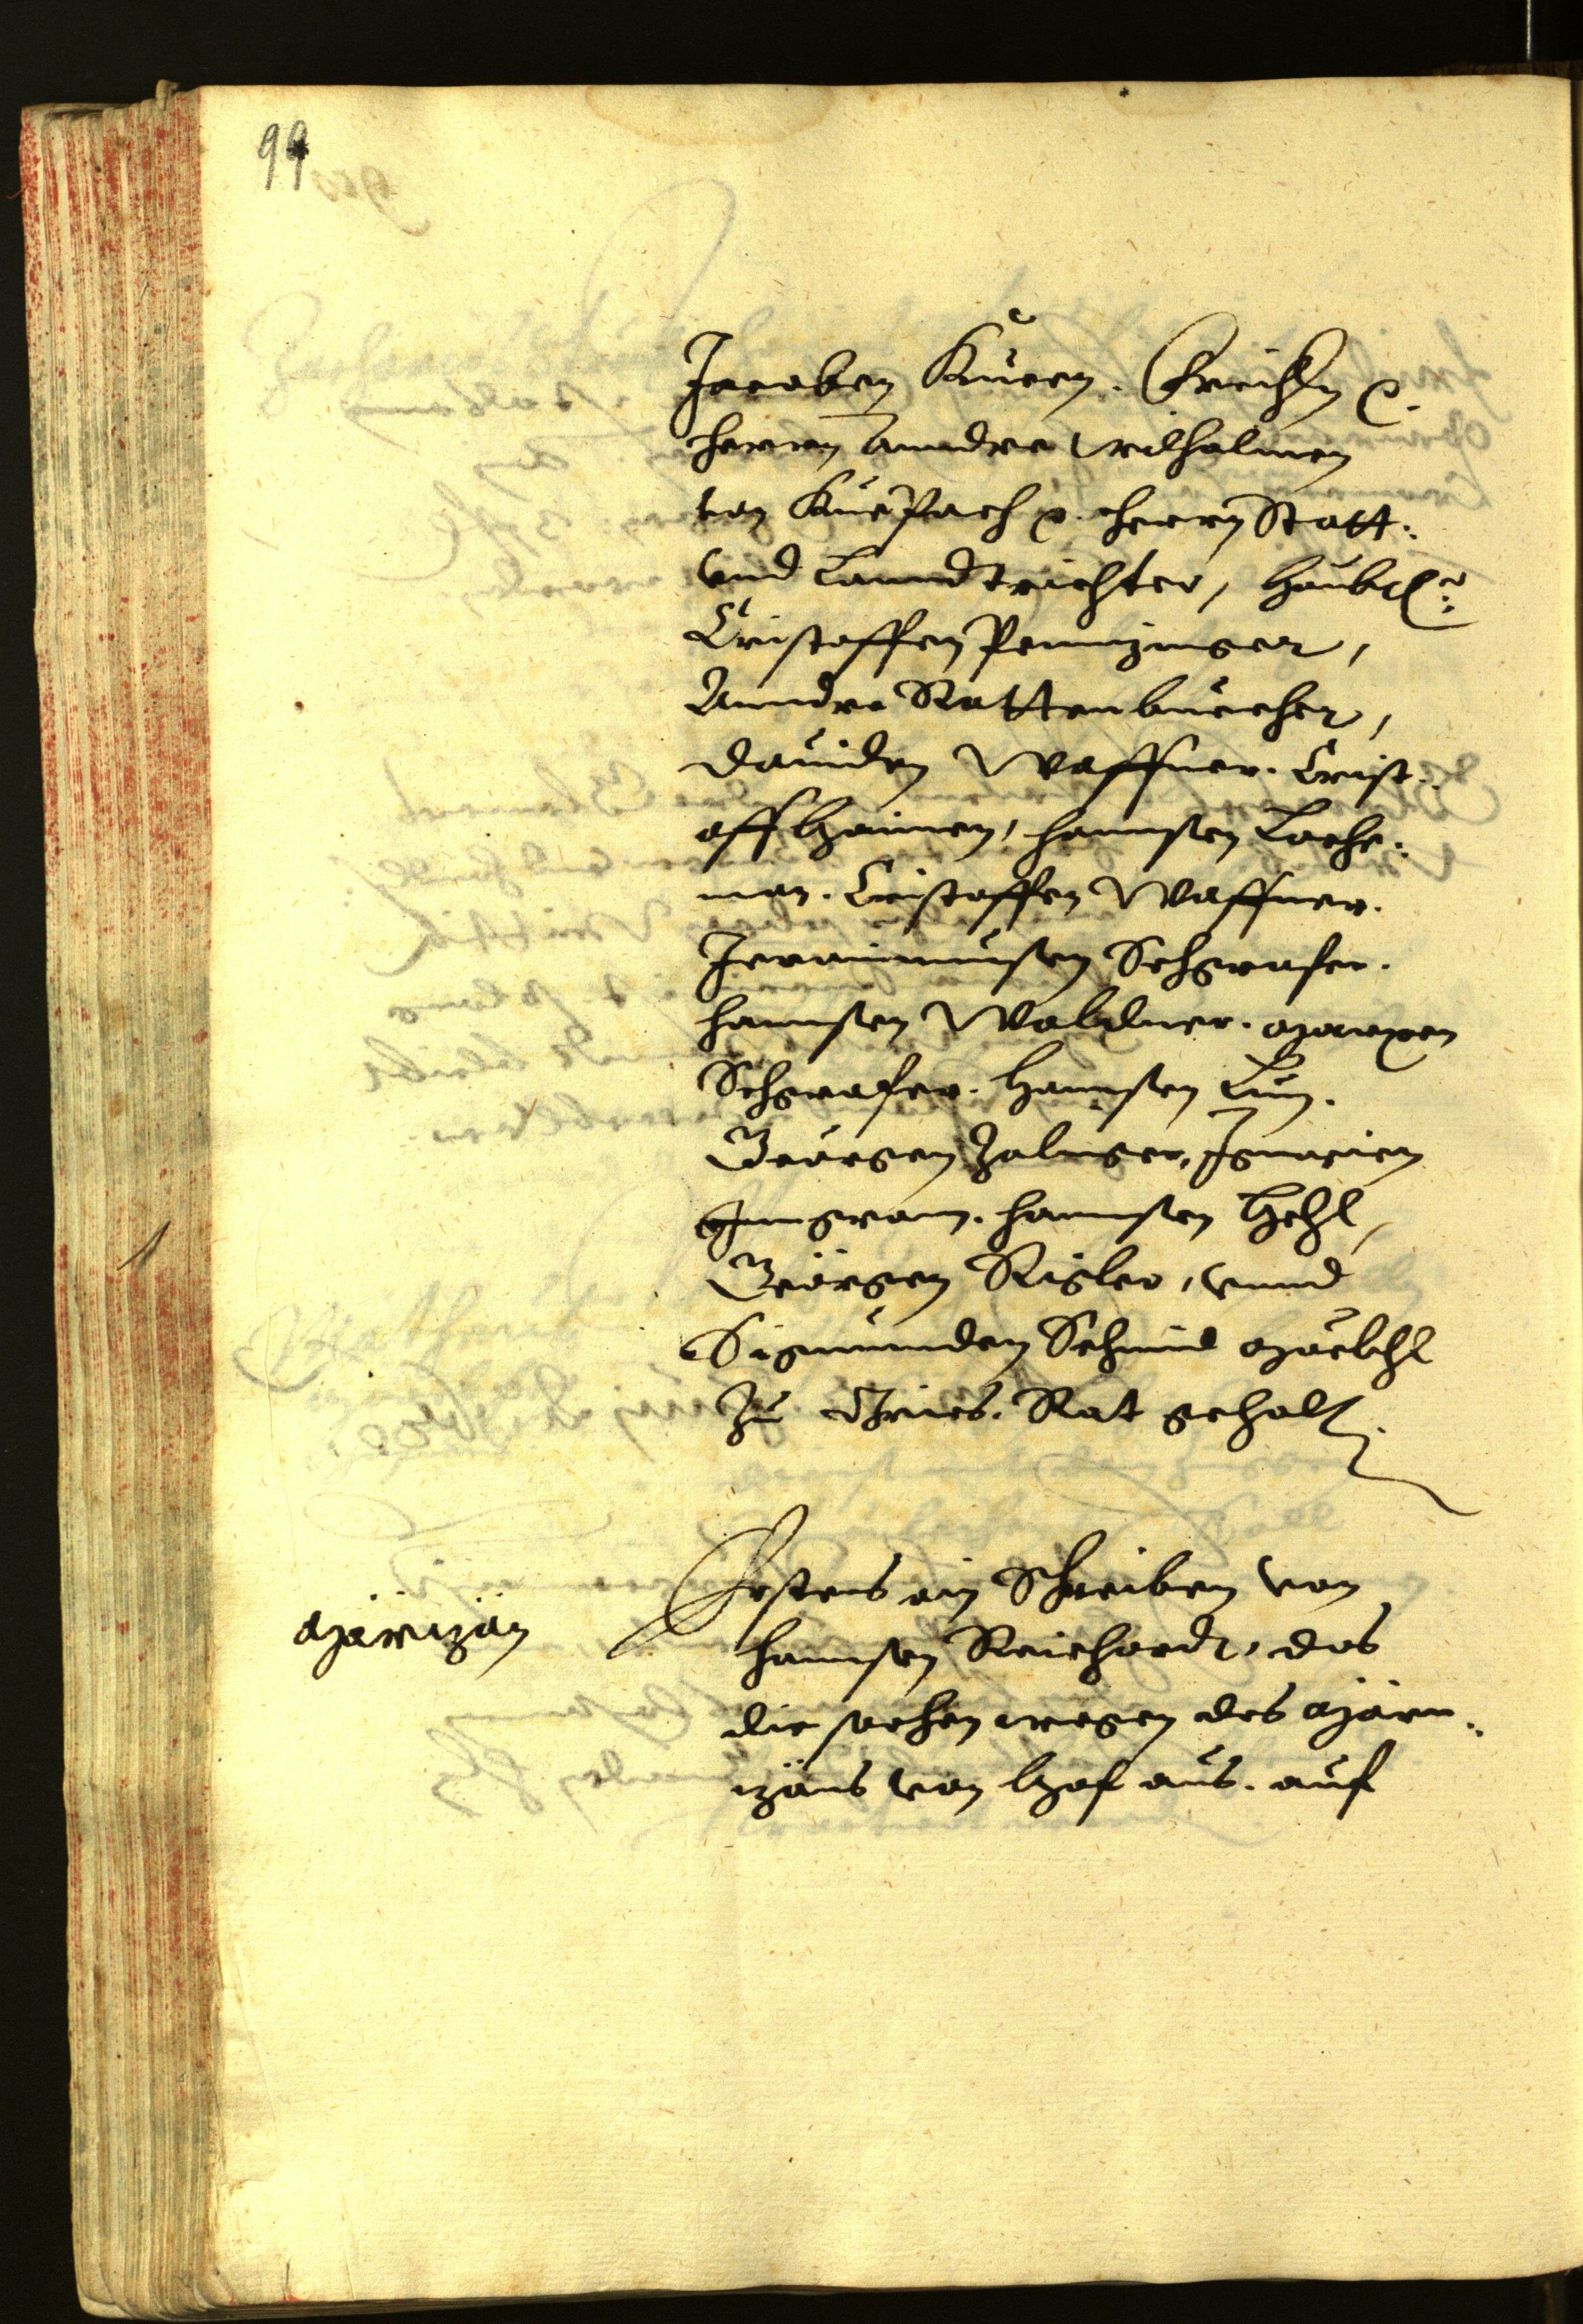99
Jacoben Kūeen. Freihn etc.
herrn Anndre Wilhalmen
von KūePach etc. herrn Statt¬
vnd Lanndtrichter, Haūbt:
Cristoffen Pennzinger,
Anndre Rottenbūecher,
Daūiden Waffner. Crist¬
off Haimen, hannsen Loche¬
man. Cristoffen Waffner.
Jeronimūsen Schgrafer.
hannsen Waldner. Marxen
Schgrafer. Hansen Lūn.
Geörgen Zalinger. Ignacien
Inngram. hannsen Hehl,
Geörgen Rigler, vnnd
Sigmūnden Schmid Māckhl
Zū Gries. Rat gehalt.
Erstens ain Schreiben von
hannsen Reichardt, das
die sachen wegen des Märn-
zäns von Hof aūs. aūf
Märzän